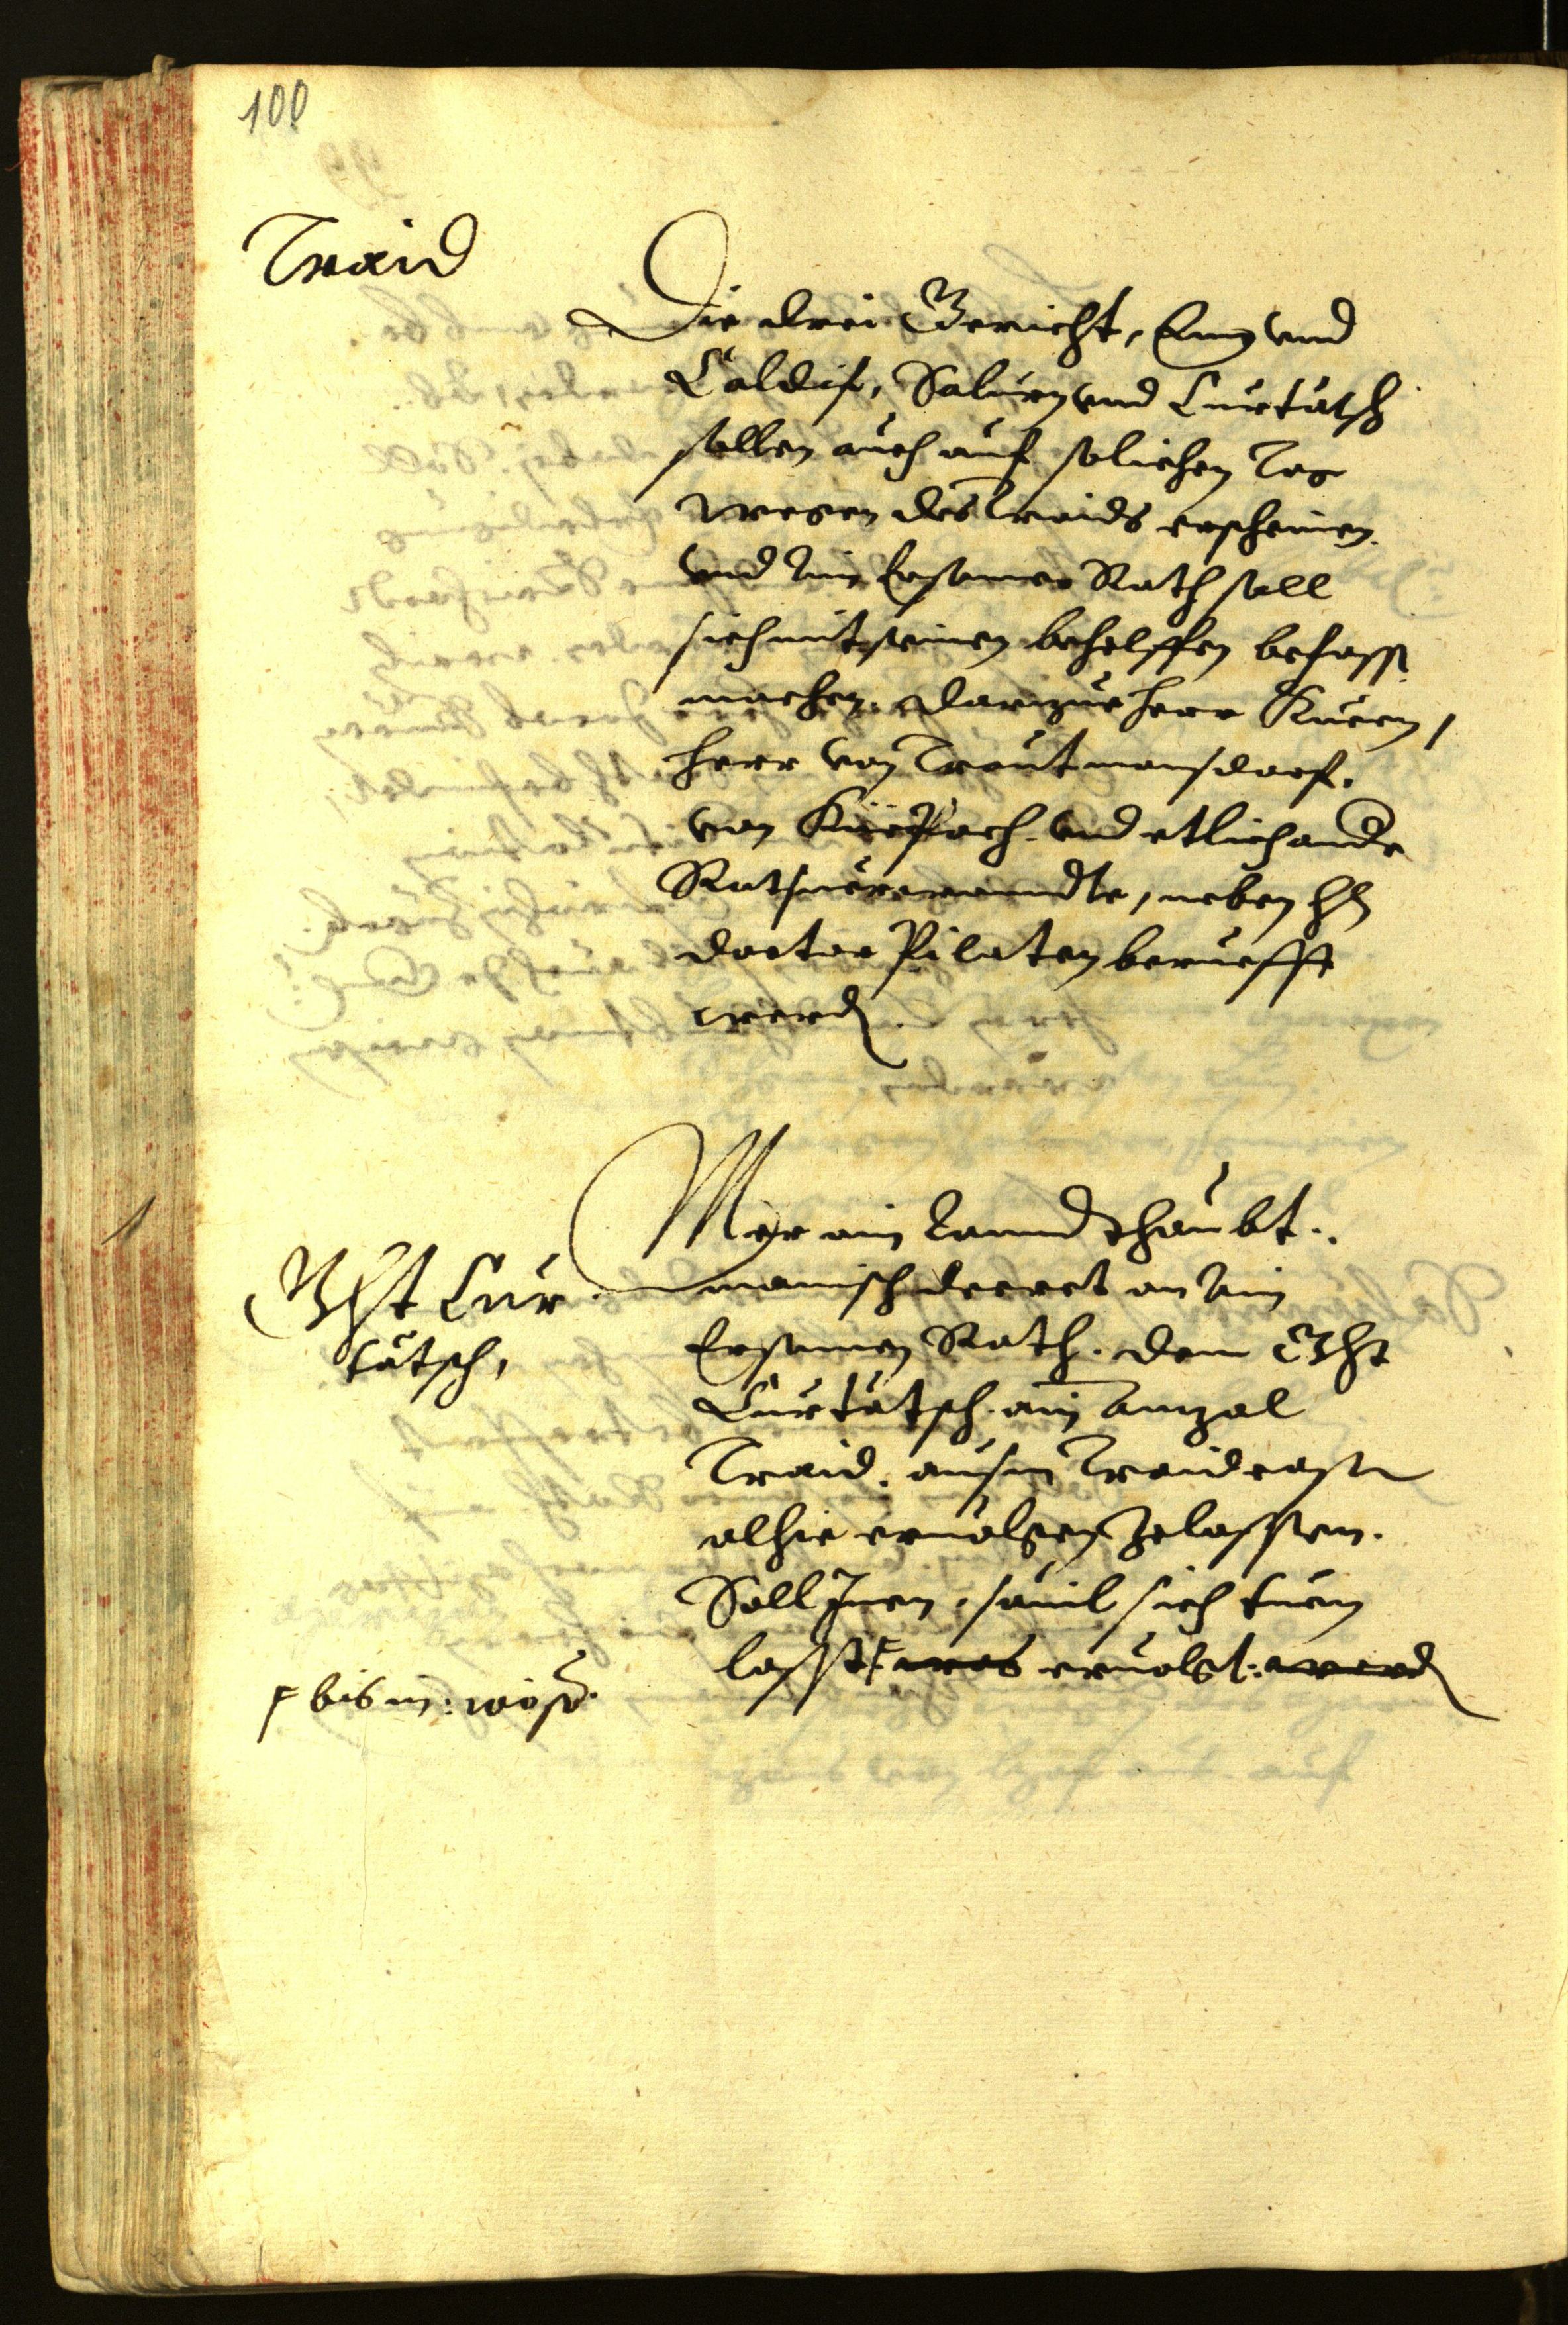100
Die drei Gericht, Enn vnd
Caldif, Salūrn vnd Cūrtātsch
sollen aūch aūf solichen Tag
wegen des Traids erscheinen.
vnd Aim Ersamen Rath soll
sich mit seinen behelffen befasst
machen. darzūe herr Kūeen,
herr von Traūtmansdorf.
von KüePach. vnd etlich ande
Ratsūerwanndte, neben hln
doctor Pilaten berūefft
werd.
Traid
Mer ain Lanndthaūbt¬
manisch decret an Ain
Ersamen Rath. dem Ght
Cūrtātsch ain Anzal
Traid. aūsm Traidcast
alhie erūolgen Zelassen.
Soll Inen. soūil sich tūen
lasst was ervolgt: werd
Ght Cūr-
tātsch
bis in: 100 st.